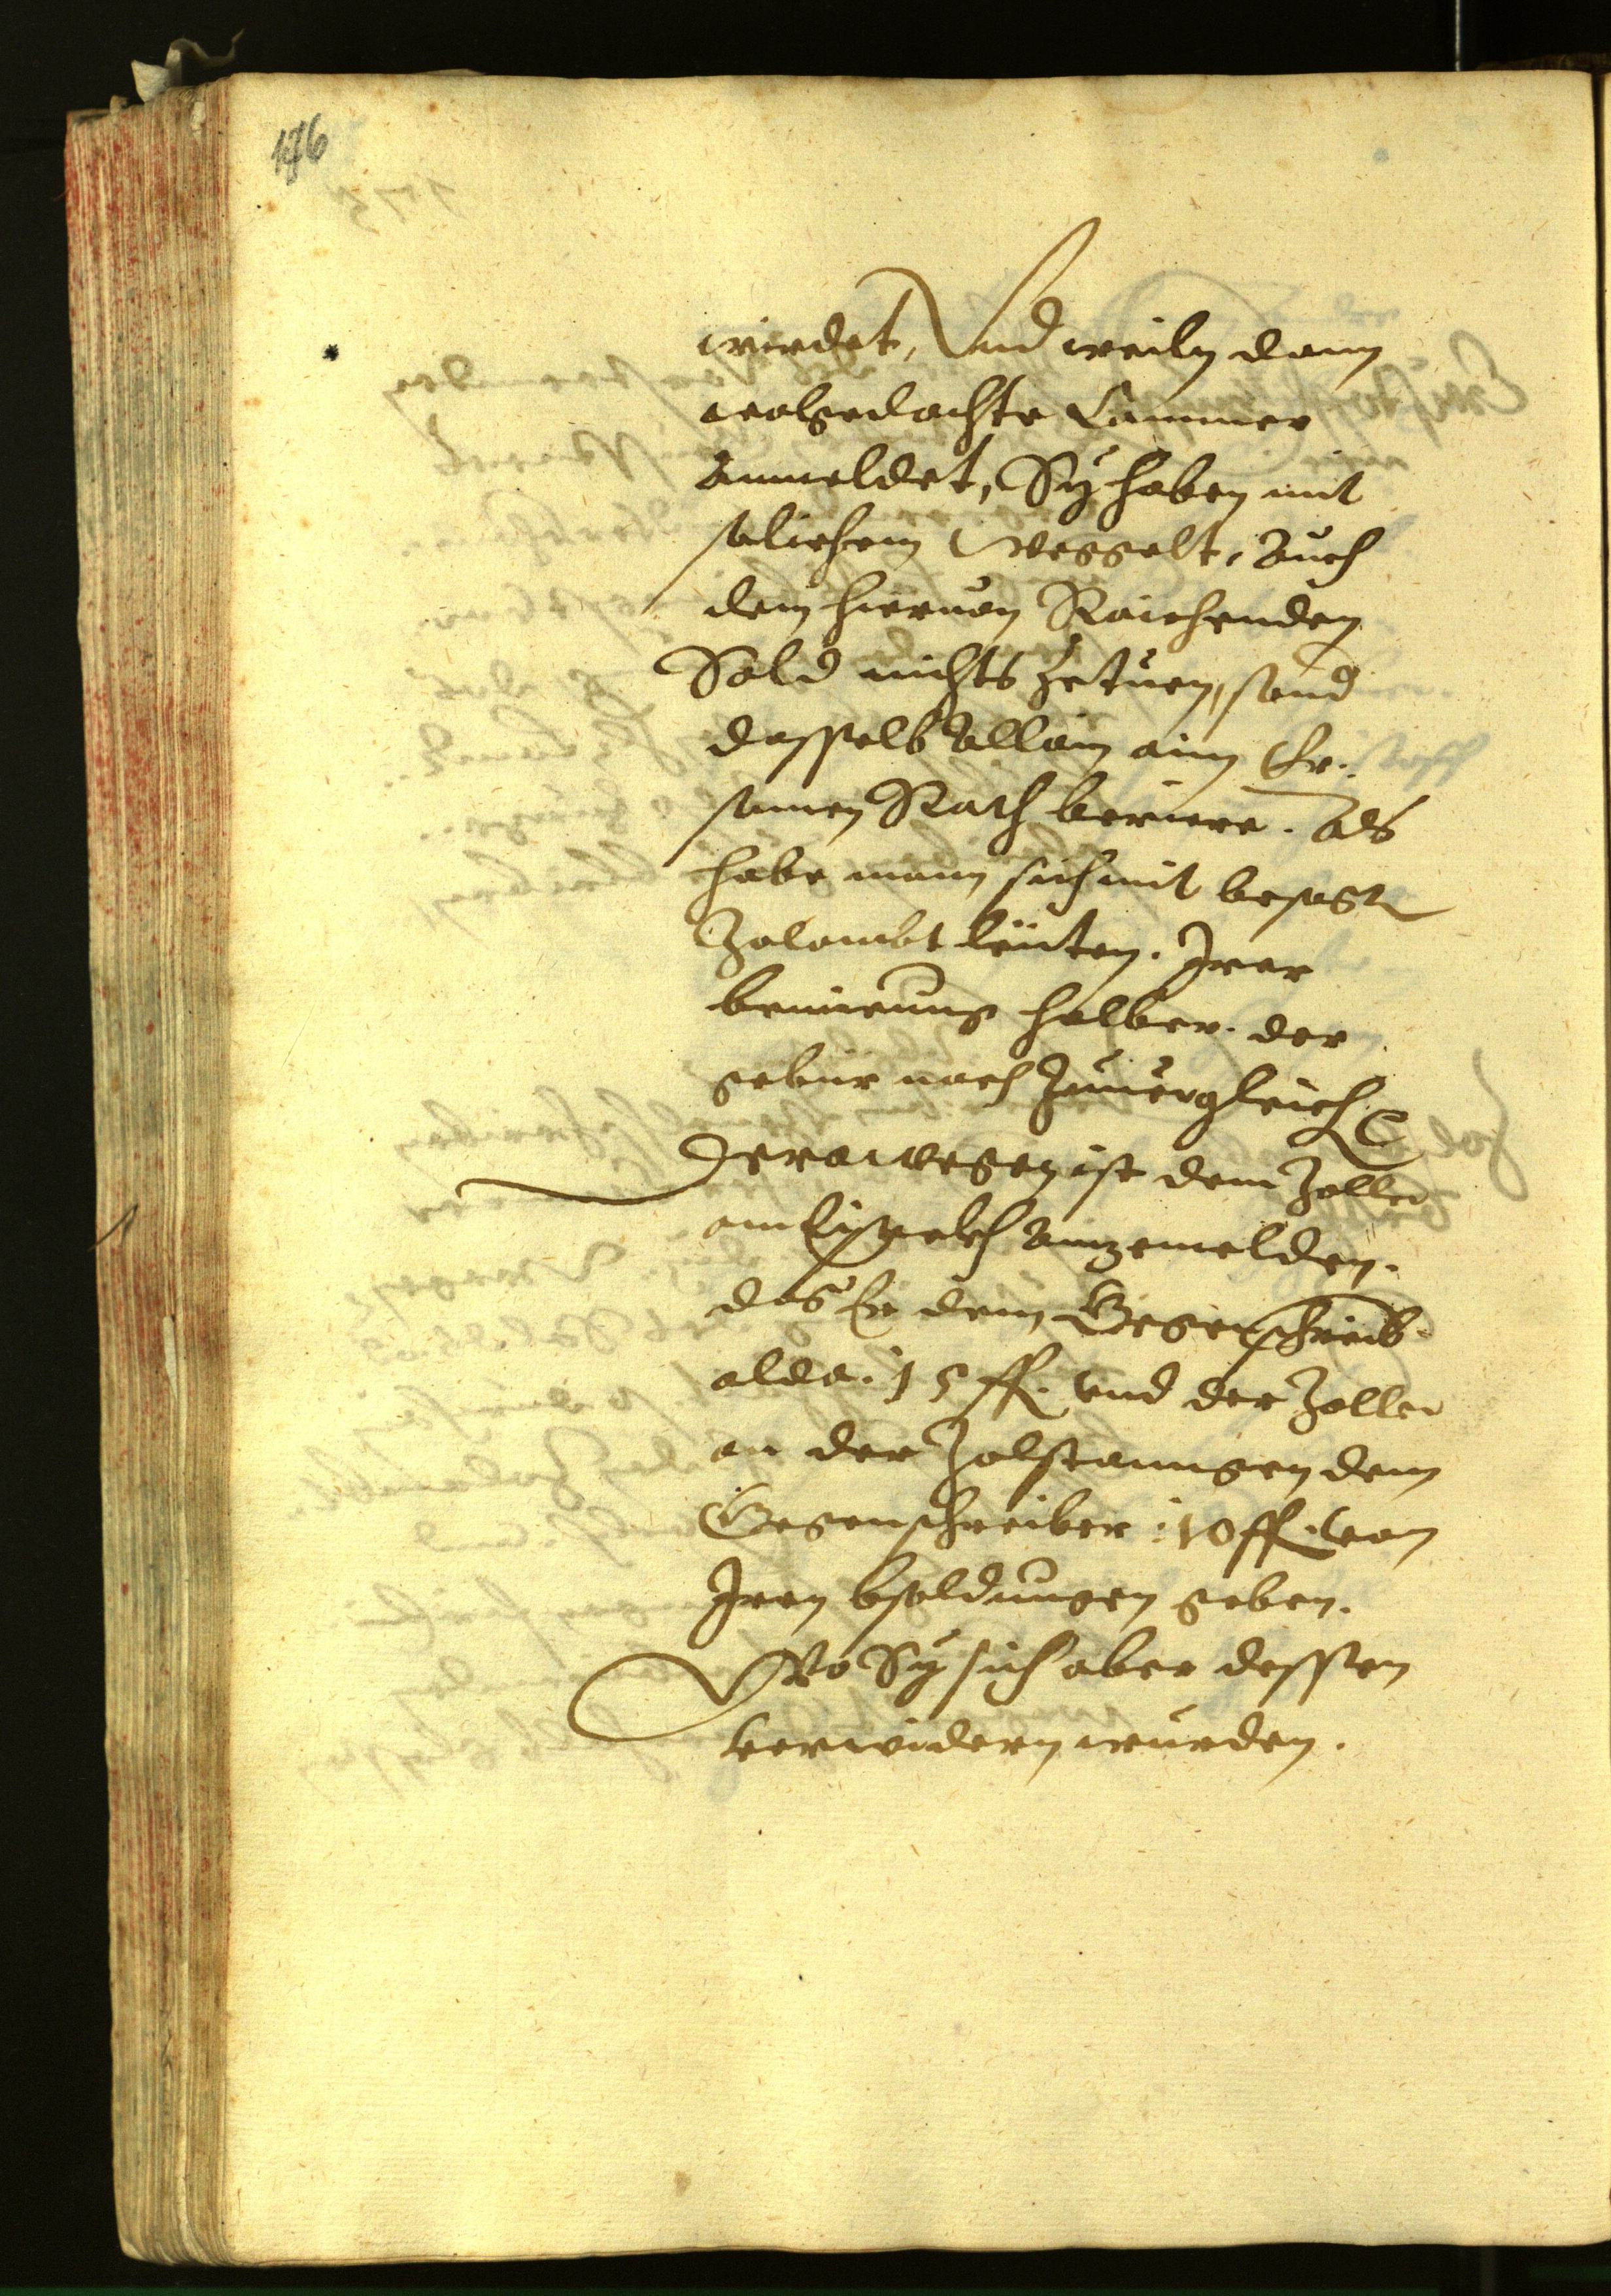176
wirdet, Vnd weiln dann
wolgedachte Cammer
Anmeldet, Sȳ haben mit
solichem Weggelt, Aūch
dem hiervon Raichenden
Sold nichts Zetūen, sond
dasselb Allain aim Er¬
samen Rath beriere. Als
habe mann sich mit besagt
Zolambtsleüten. Irer
bemieūng halber. der
gebür nach Zūūergleich etc.
Derowegen ist dem Zoller
am Eisackh Anzemelden.
das Er dem Gegenschreib
alda. 15 fl. vnd der Zoller
an der Zolstanngen dem
Gegenschreiber: 10 fl. von
Iren bsoldūngen geben.
Wo Sȳ sich aber dessen
verwidern wūrden.